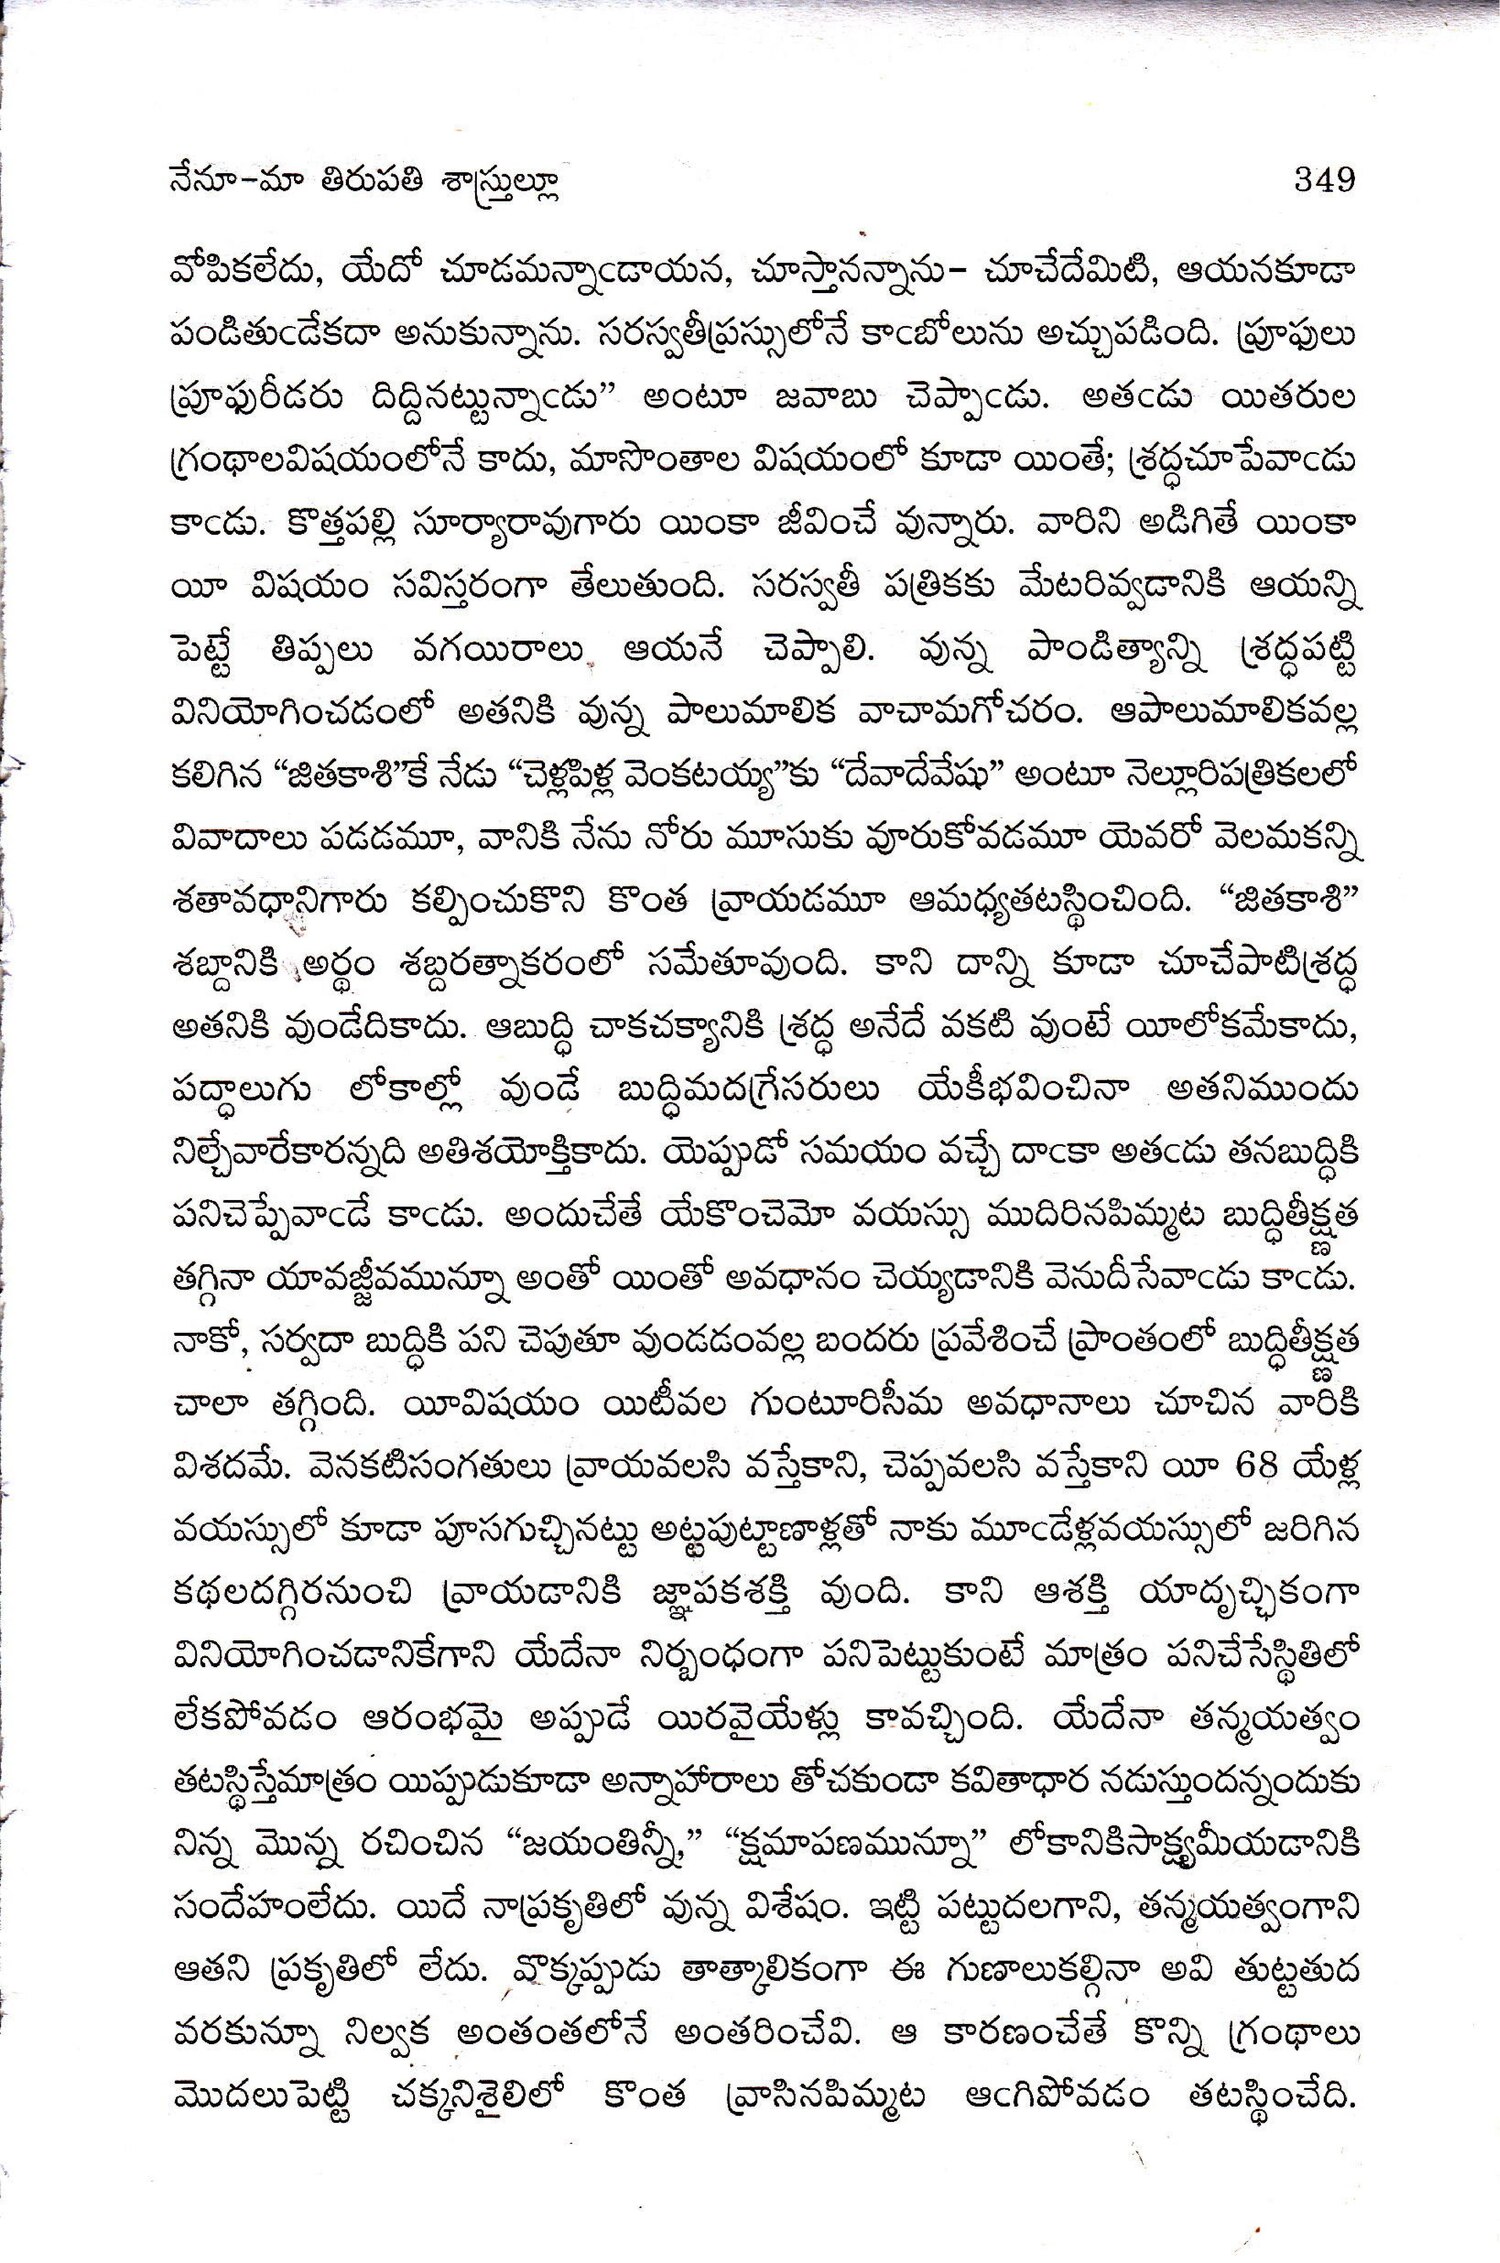వోపికలేదు, యేదో చూడమన్నాఁడాయన, చూస్తానన్నాను- చూచేదేమిటి, ఆయనకూడా పండితుఁడేకదా అనుకున్నాను. సరస్వతీప్రస్సులోనే కాఁబోలును అచ్చుపడింది. ప్రూఫులు ప్రూఫురీడరు దిద్దినట్టున్నాఁడు” అంటూ జవాబు చెప్పాఁడు. అతఁడు యితరుల గ్రంథాలవిషయంలోనే కాదు, మాసొంతాల విషయంలో కూడా యింతే; శ్రద్ధచూపేవాఁడు కాఁడు. కొత్తపల్లి సూర్యారావుగారు యింకా జీవించే వున్నారు. వారిని అడిగితే యింకా యీ విషయం సవిస్తరంగా తేలుతుంది. సరస్వతీ పత్రికకు మేటరివ్వడానికి ఆయన్ని పెట్టే తిప్పలు వగయిరాలు ఆయనే చెప్పాలి. వున్న పాండిత్యాన్ని శ్రద్ధపట్టి వినియోగించడంలో అతనికి వున్న పాలుమాలిక వాచామగోచరం. ఆపాలుమాలికవల్ల కలిగిన “జితకాశి"కే నేడు "చెళ్లపిళ్ల వెంకటయ్య"కు "దేవాదేవేషు" అంటూ నెల్లూరిపత్రికలలో వివాదాలు పడడమూ, వానికి నేను నోరు మూసుకు వూరుకోవడమూ యెవరో వెలమకన్ని శతావధానిగారు కల్పించుకొని కొంత వ్రాయడమూ ఆమధ్యతటస్థించింది. "జితకాశి" శబ్దానికి అర్థం శబ్దరత్నాకరంలో సమేతూవుంది. కాని దాన్ని కూడా చూచేపాటిశ్రద్ధ అతనికి వుండేదికాదు. ఆబుద్ధి చాకచక్యానికి శ్రద్ధ అనేదే వకటి వుంటే యీలోకమేకాదు, పద్ధాలుగు లోకాల్లో వుండే బుద్ధిమదగ్రేసరులు యేకీభవించినా అతనిముందు నిల్చేవారేకారన్నది అతిశయోక్తికాదు. యెప్పుడో సమయం వచ్చే దాకా అతఁడు తనబుద్ధికి పనిచెప్పేవాఁడే కాఁడు. అందుచేతే యేకొంచెమో వయస్సు ముదిరినపిమ్మట బుద్ధితీక్ష్ణత తగ్గినా యావజ్జీవమున్నూ అంతో యింతో అవధానం చెయ్యడానికి వెనుదీసేవాఁడు కాఁడు. నాకో, సర్వదా బుద్ధికి పని చెపుతూ వుండడంవల్ల బందరు ప్రవేశించే ప్రాంతంలో బుద్ధితీక్ష్ణత చాలా తగ్గింది. యీవిషయం యిటీవల గుంటూరిసీమ అవధానాలు చూచిన వాడికి విశదమే. వెనకటిసంగతులు వ్రాయవలసి వస్తేకాని, చెప్పవలసి వస్తేకాని యీ 68 యేళ్ల వయస్సులో కూడా పూసగుచ్చినట్టు అట్టపుట్టాణాళ్లతో నాకు మూఁడేళ్లవయస్సులో జరిగిన కథలదగ్గిరనుంచి వ్రాయడానికి జ్ఞాపకశక్తి వుంది. కాని ఆశక్తి యాదృచ్ఛికంగా వినియోగించడానికేగాని యేదేనా నిర్బంధంగా పనిపెట్టుకుంటే మాత్రం పనిచేసేస్థితిలో లేకపోవడం ఆరంభమై అప్పుడే యిరవైయేళ్లు కావచ్చింది. యేదేనా తన్మయత్వం తటస్థిస్తేమాత్రం యిప్పుడుకూడా అన్నాహారాలు తోచకుండా కవితాధార నడుస్తుందన్నందుకు నిన్న మొన్న రచించిన ‘జయంతిన్నీ" "క్షమాపణమున్నూ" లోకానికిసాక్ష్యమీయడానికి సందేహంలేదు. యిదే నాప్రకృతిలో వున్న విశేషం. ఇట్టి పట్టుదలగాని, తన్మయత్వంగాని ఆతని ప్రకృతిలో లేదు. వొక్కప్పుడు తాత్కాలికంగా ఈ గుణాలుకల్గినా అవి తుట్టతుద వరకున్నూ నిల్వక అంతంతలోనే అంతరించేవి. ఆ కారణంచేతే కొన్ని గ్రంథాలు మొదలుపెట్టి చక్కనిశైలిలో కొంత వ్రాసినపిమ్మట ఆఁగిపోవడం తటస్థించేది.